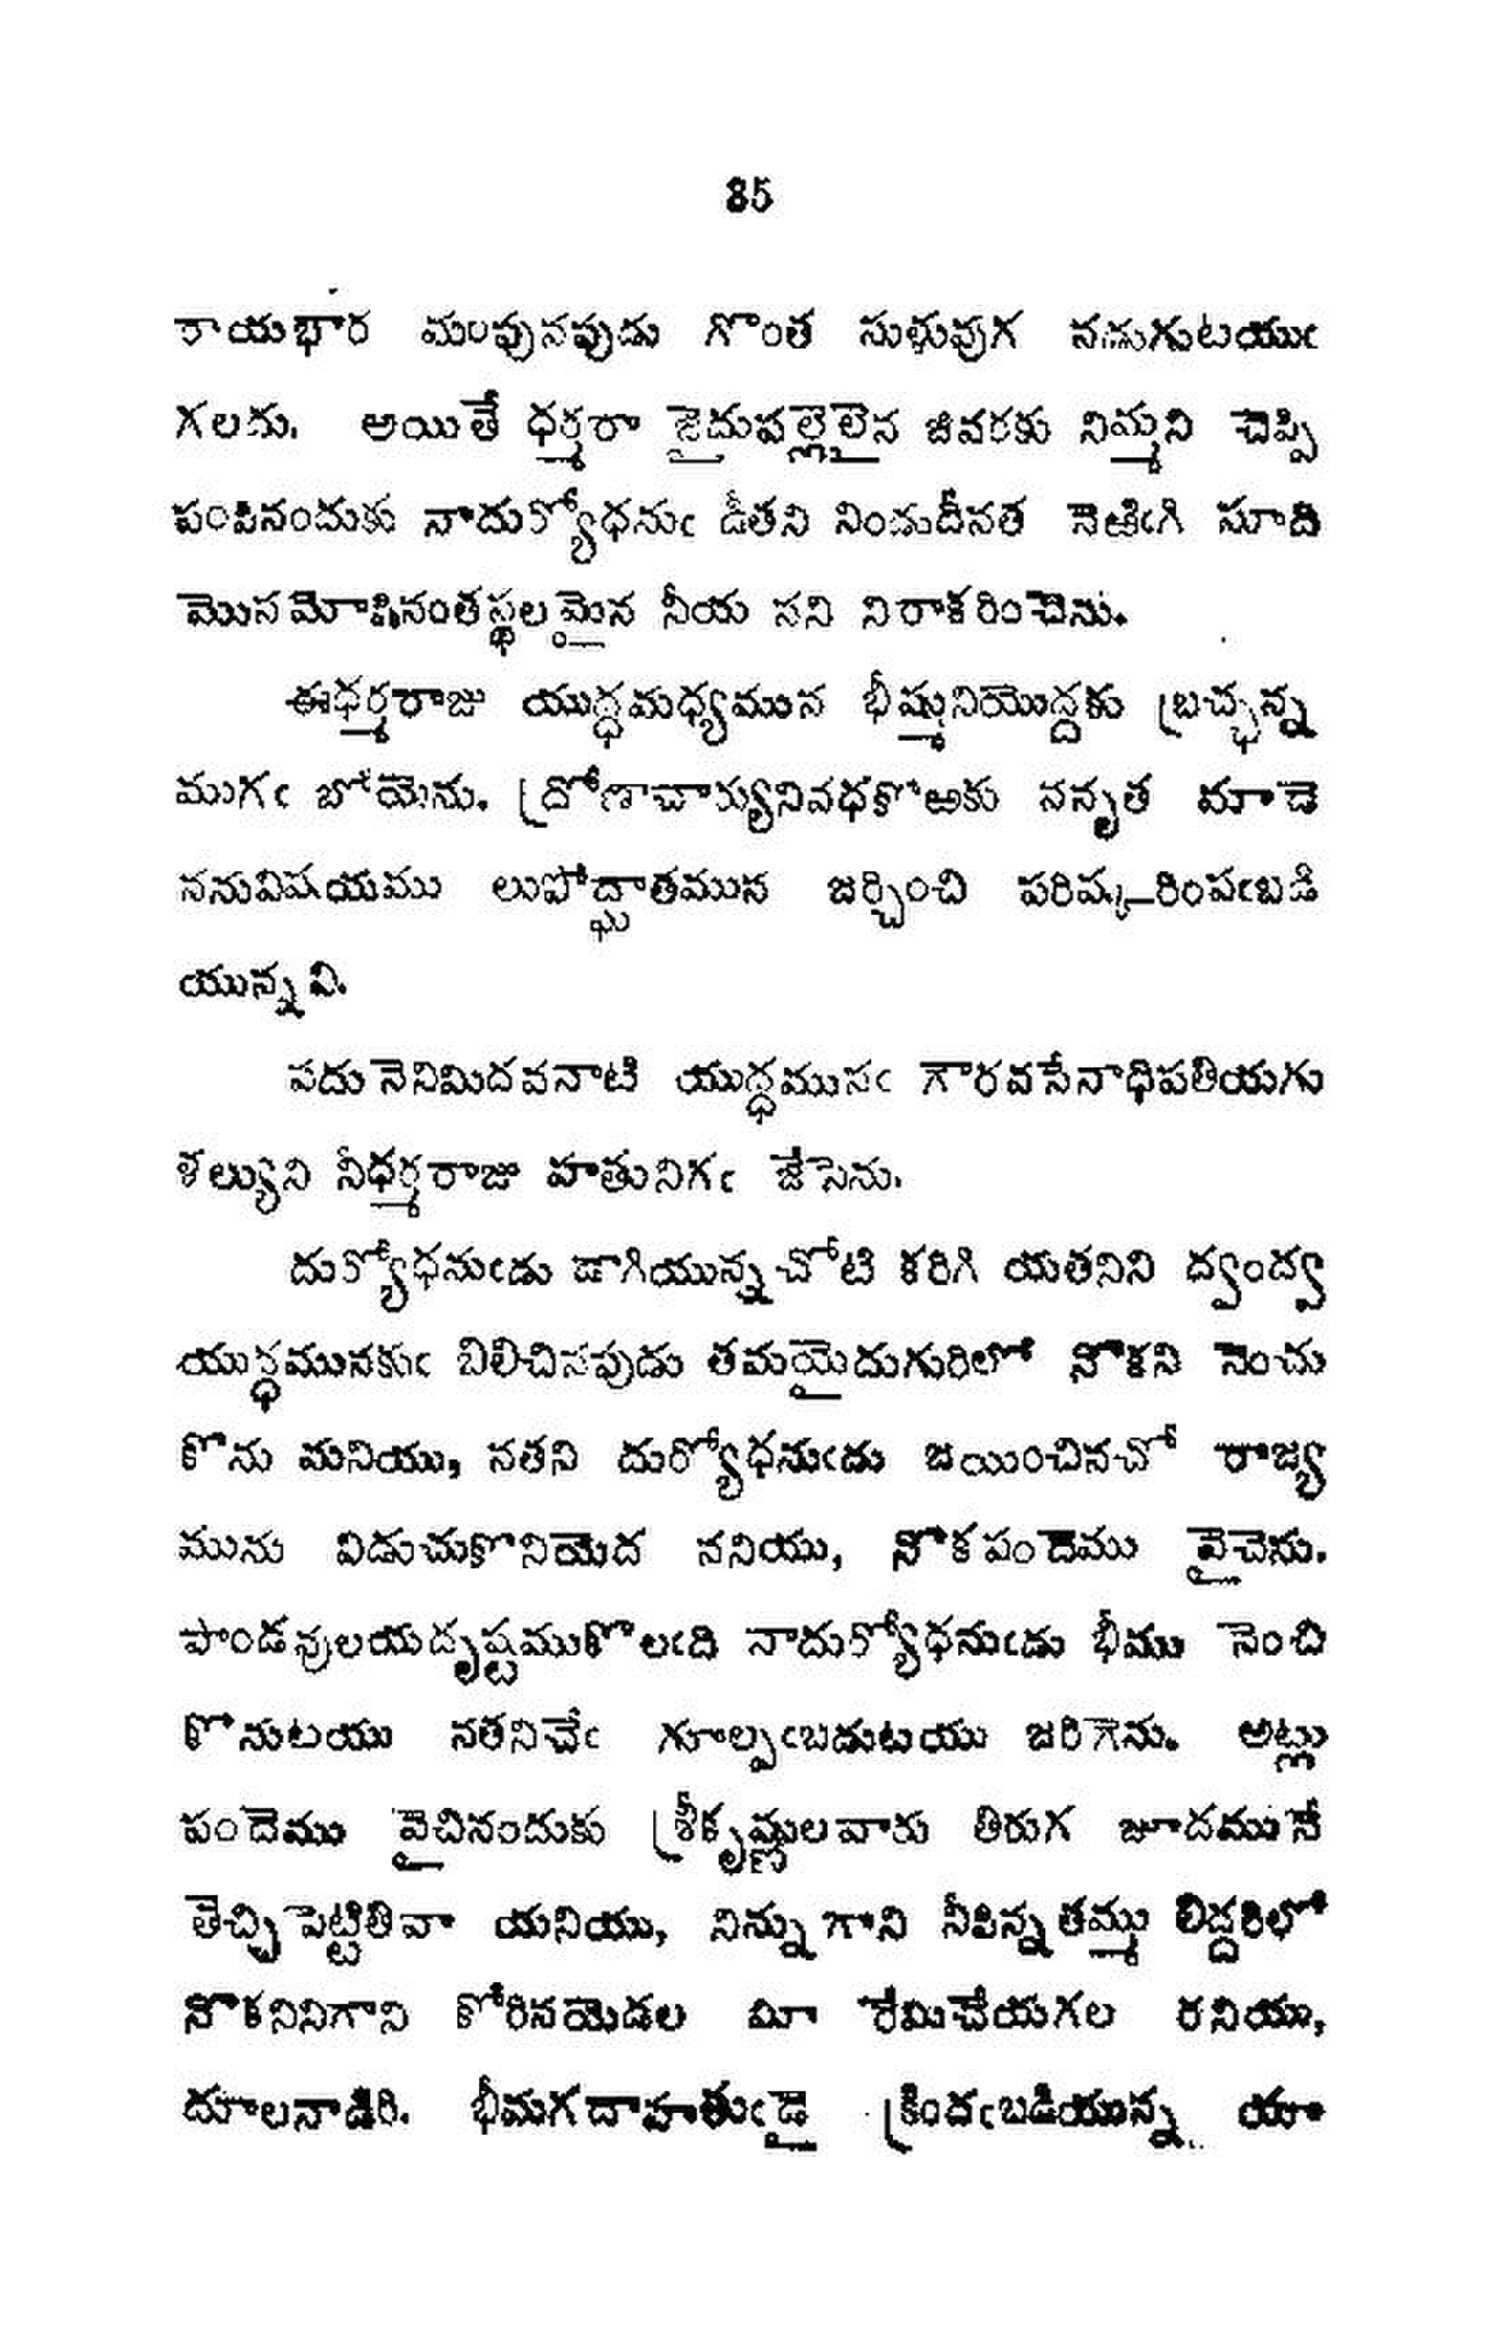రాయభార మంపునవుడు గొంత సుళువుగ నడుగుటయుఁ గలదు. అయితే ధర్మరా జైదుపల్లెలైన జివరకు నిమ్మని చెప్పి పంపినందుకు నాదుర్యోధనుఁ డీతని నిండుదీనత నెఱిఁగి సూదిమొన మోపినంతస్థలమైన నీయ నని నిరాకరించెను.

ఈధర్మరాజు యుద్ధమధ్యమున భీష్మునియొద్దకు బ్రచ్ఛన్నముగఁ బోయెను. ద్రోణాచార్యునివధకొఱకు ననృత మాడెననువిషయము లుపోద్ఘాతమున జర్చించి పరిష్కరింపబడి యున్నవి.

పదునెనిమిదవనాటి యుద్ధమునఁ గౌరవసేనాధిపతియగు శల్యుని నీధర్మరాజు హతునిగఁ జేసెను.

దుర్యోధనుఁడు డాగియున్న చోటి కరిగి యతనిని ద్వంద్వ యుద్ధమునకుఁ బిలిచినపుడు తమయైదుగురిలో నొకని నెంచుకొను మనియు, నతని దుర్యోధనుఁడు జయించినచో రాజ్యమును విడుచుకొనియెద ననియు, నొకపందెము వైచెను. పాండవులయదృష్టముకొలఁది నాదుర్యోధనుఁడు భీము నెంచి కొనుటయు నతనిచేఁ గూల్పఁబడుటయు జరిగెను. అట్లు పందెము వైచినందుకు శ్రీకృష్ణులవారు తిరుగ జూదమునే తెచ్చి పెట్టితివా యనియు, నిన్ను గాని నీపిన్నతమ్ము లిద్దరిలో
నొకనినిగాని కోరినయెడల మీ రేమిచేయగల రనియు, దూలనాడిరి. భీమగదాహతుఁడై క్రిందఁబడియున్న యా